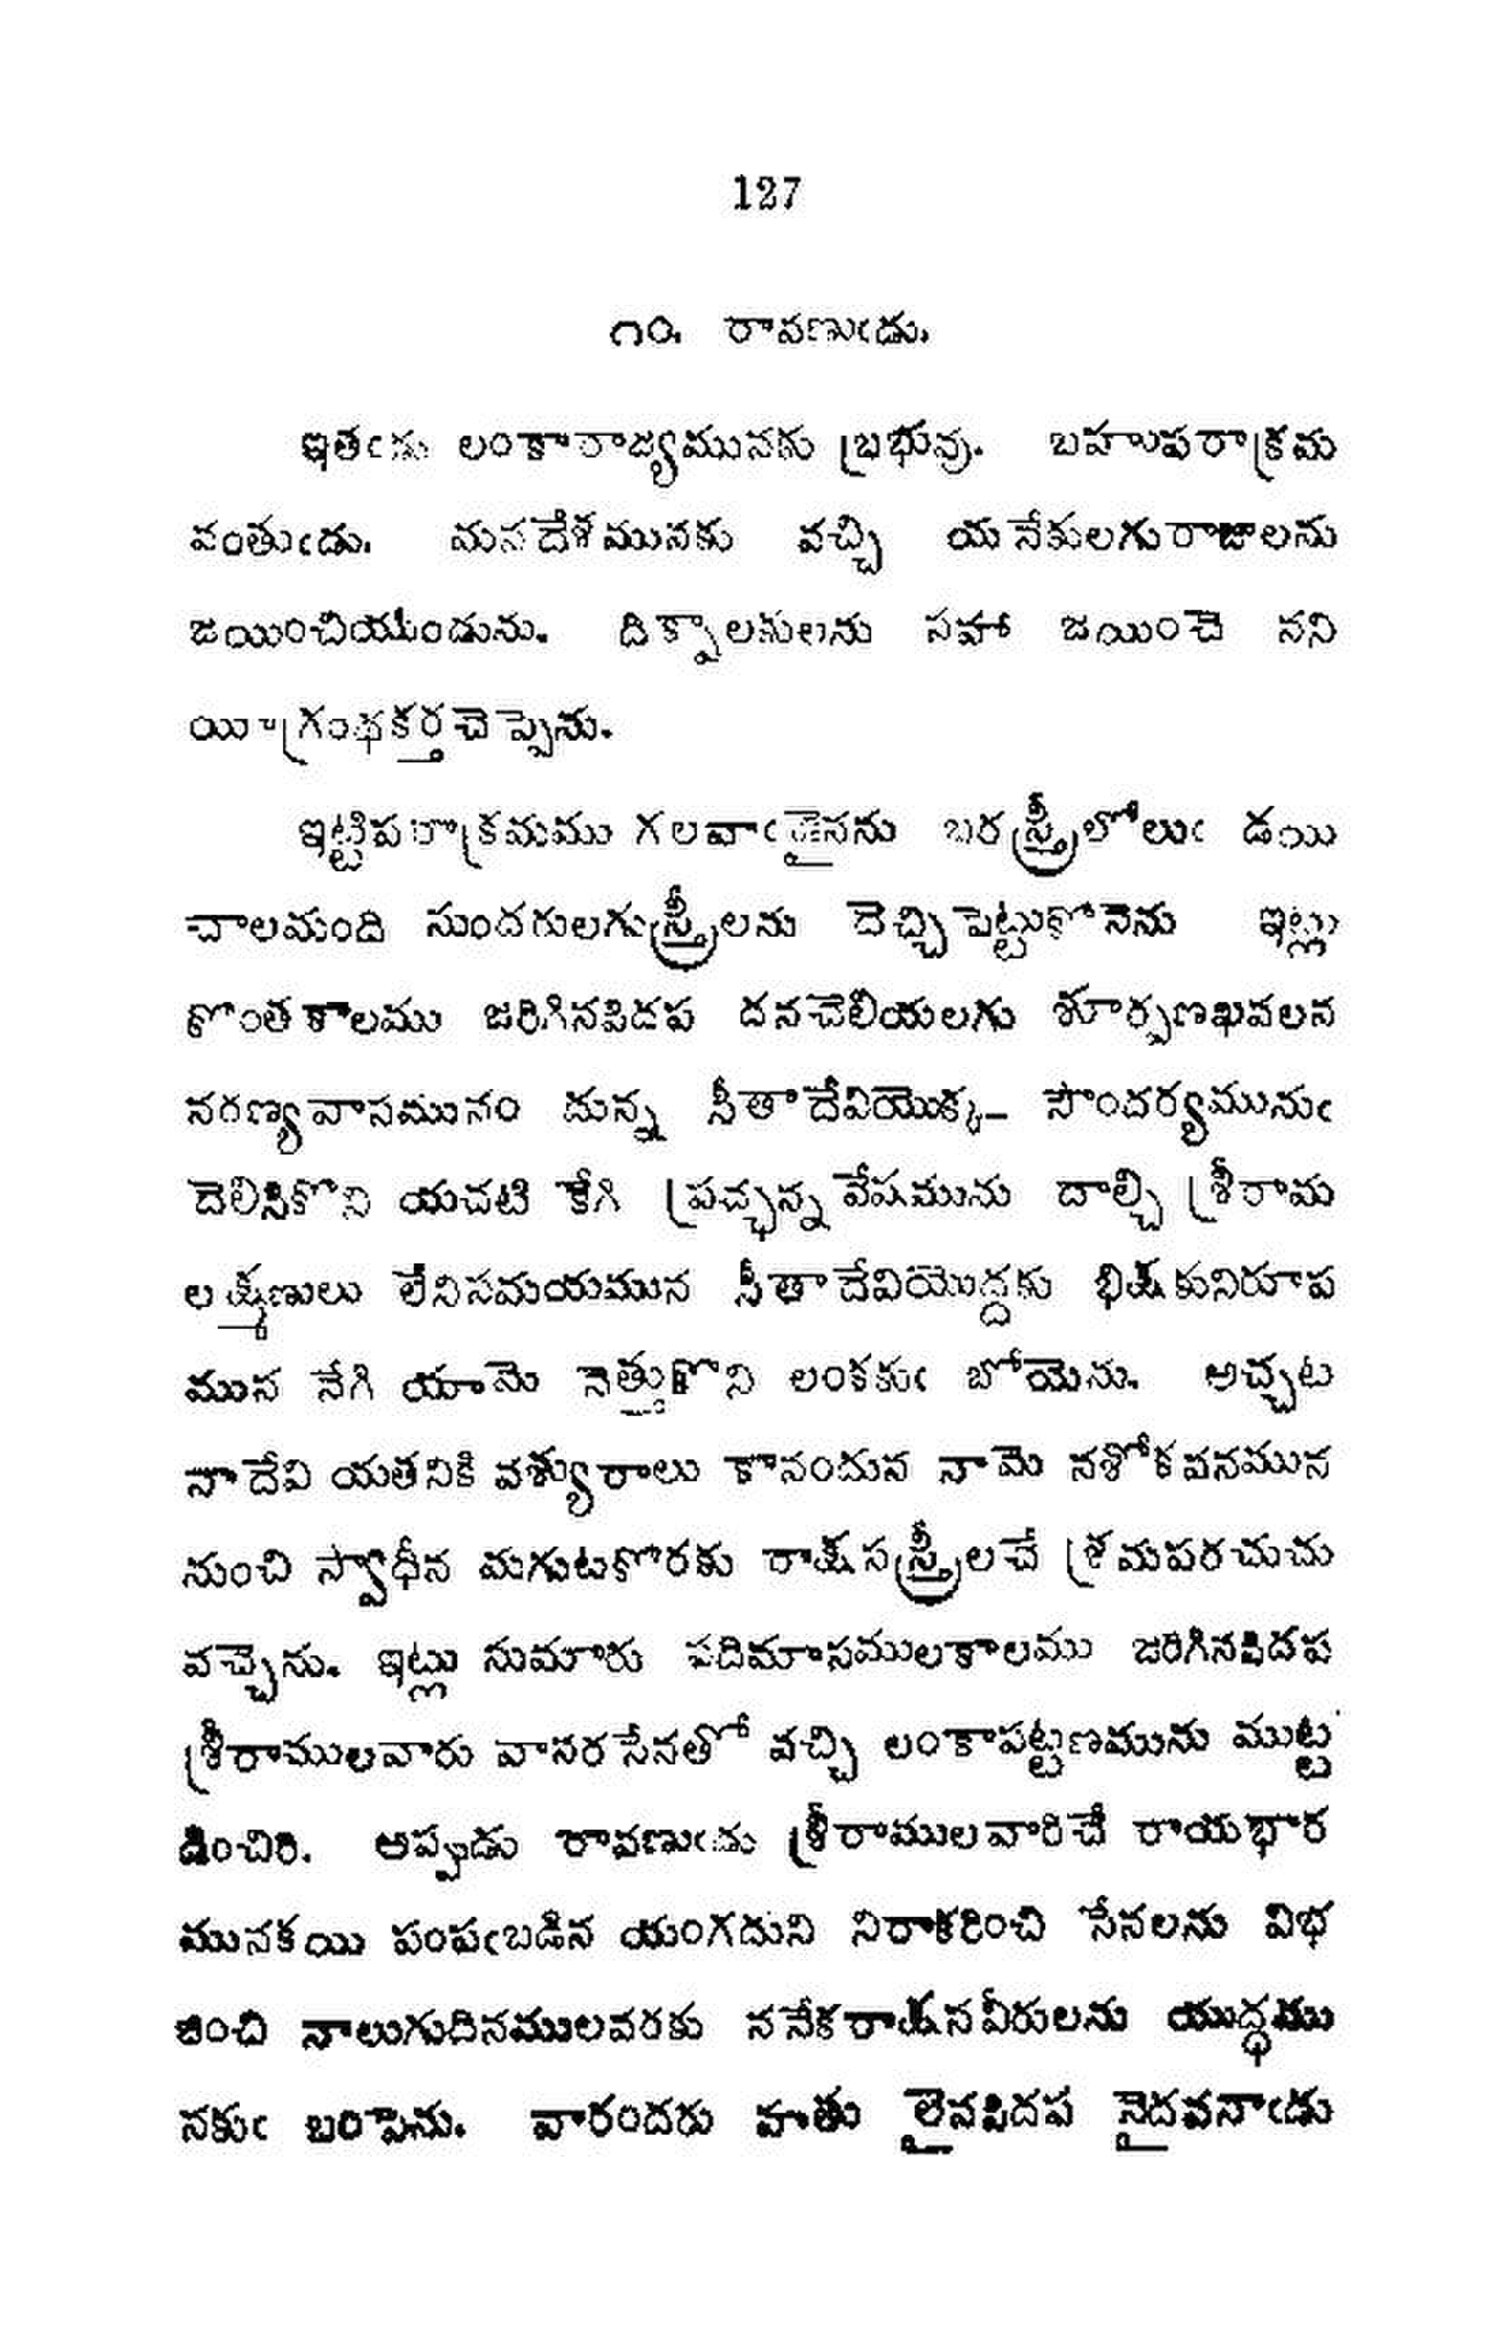ఇతఁడు లంకారాజ్యమునకు బ్రభువు. బహుపరాక్రమవంతుఁడు. మనదేశమునకు వచ్చి యనేకులగు రాజులను జయించియుండును. దిక్పాలకులను సహా జయించె నని యిఅగ్రంథకర్తచెప్పెను.

ఇట్టిపరాక్రమము గలవాఁడైనను బరస్త్రీలోలుఁ డయి చాలమంది సుందరులగుస్త్రీలను దెచ్చిపెట్టుకొనెను ఇట్లు కొంతకాలము జరిగినపిదప దనచెలియలగు శూర్పణఖవలన
నరణ్యవాసమునం దున్న సీతాదేవియొక్క సౌందర్యమునుఁ దెలిసికొని యచటి కేగి ప్రచ్ఛన్న వేషమును దాల్చి శ్రీరామ లక్ష్మణులు లేనిసమయమున సీతాదేవియొద్దకు భిక్షుకునిరూపమున నేగి యామె నెత్తుకొని లంకకుఁ బోయెను. అచ్చట నాదేవి యతనికి వశ్యురాలు కానందున నామె నశోకవనమున
నుంచి స్వాధీన మగుటకొరకు రాక్షసస్త్రీలచే శ్రమపరచుచు వచ్చెను. ఇట్లు సుమారు పదిమాసముల కాలము జరిగినవిదప శ్రీరాములవారు వానరసేనతో వచ్చి లంకాపట్టణమును ముట్టడించిరి. అప్పుడు రావణుఁడు శ్రీరాములవారిచే రాయభారమునకయి పంపఁబడిన యంగదుని నిరాకరించి సేనలను విభజించి నాలుగుదినములవరకు ననేకరాక్షసవీరులను యుద్ధమునకుఁ బంపెను. వారందరు హతు లైన పిదప నైదవనాఁడు